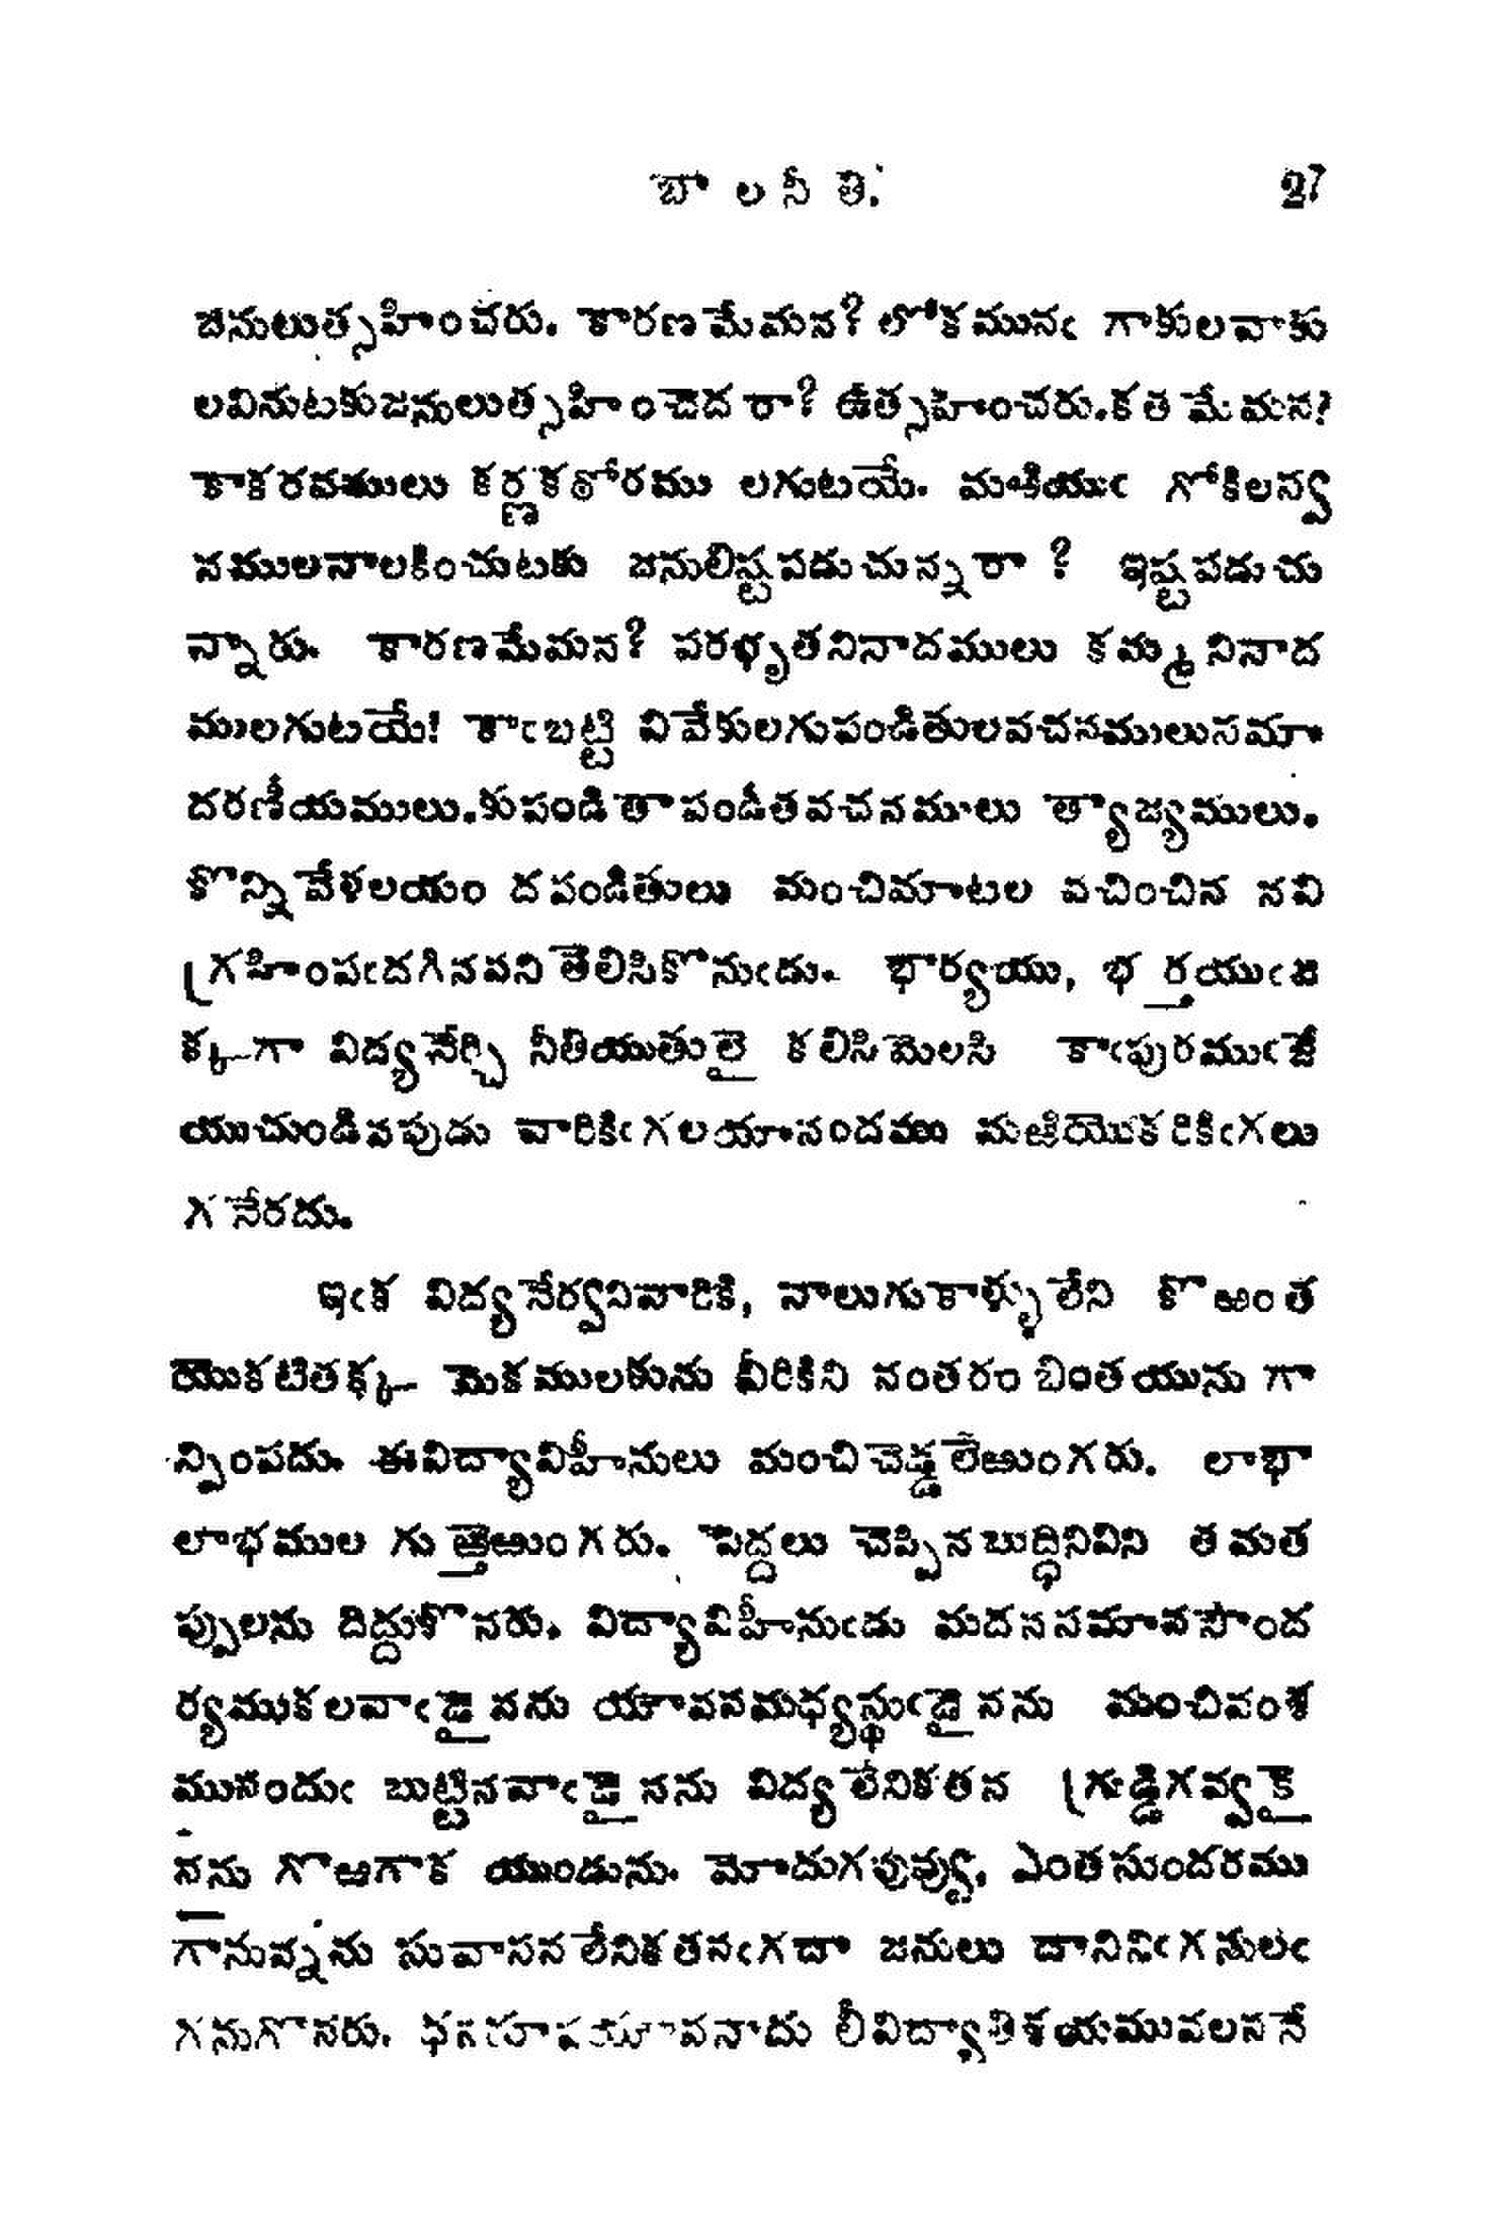జనులుత్సహించరు. కారణమేమన? లోకమునఁ గాకులవాకు
లవినుటకుజనులుత్సహించెదరా? ఉత్సహించరు. కతమేమన? 
కాకరవములు కర్ణకఠోరము లగుటయే. మఱియుఁ గోకిలస్వ
నములనాలకించుటకు జనులిష్టపడుచున్నారా? ఇష్టపడుచు
న్నారు. కారణమేమన? పరభృతనినాదములు కమ్మనినాద
ములగుటయే! కాఁబట్టి వివేకులగుపండితులవచనములు సమా 
దరణీయములు. కుపండితాపండితవచనములు త్యాజ్యములు. 
కొన్నివేళలయం దపండితులు మంచిమాటల వచించిన నవి 
గ్రహింపఁదగినవని తెలిసికొనుఁడు. భార్యయు, భర్తయుజ
క్కగా విద్యనేర్చి నీతియుతులై కలిసిమెలసి కాఁపురముఁజే
యుచుండినపుడు వారికిఁగలయానందము మఱియొకరికిఁగలు
గనేరదు.

ఇఁక విద్యనేర్వనివారికి, నాలుగుకాళ్ళులేని కొఱంత 
యొకటితక్క మెకములకును వీరికిని నంతరం బింతయును గా
న్పింపదు. ఈవిద్యావిహీనులు మంచిచెడ్డలెఱుంగురు. లాభా 
లాభముల గుఱ్తెఱుంగరు. పెద్దలు చెప్పినబుద్దినివిని తమత
ప్పులను దిద్దుకొనరు. విదావిహీనుఁడు మదనసమానసౌంద
ర్యముకలవాఁడైనను యౌవనమధ్యస్థుఁడైనను మంచివంశ
మునందుఁ బుట్టినవాఁడైనను విద్యలేనికతన గ్రుడ్డిగవ్వకై
నను గొఱగాక యుండును. మోదుగపువ్వు, ఎంతసుందరము
గానున్నను సువాసనలేనికతనఁగదా జనులు దానినిఁగనులఁ 
గనుగొనరు. ధనరూపయౌవనాదు లీవిద్యాతిశయమువలననే